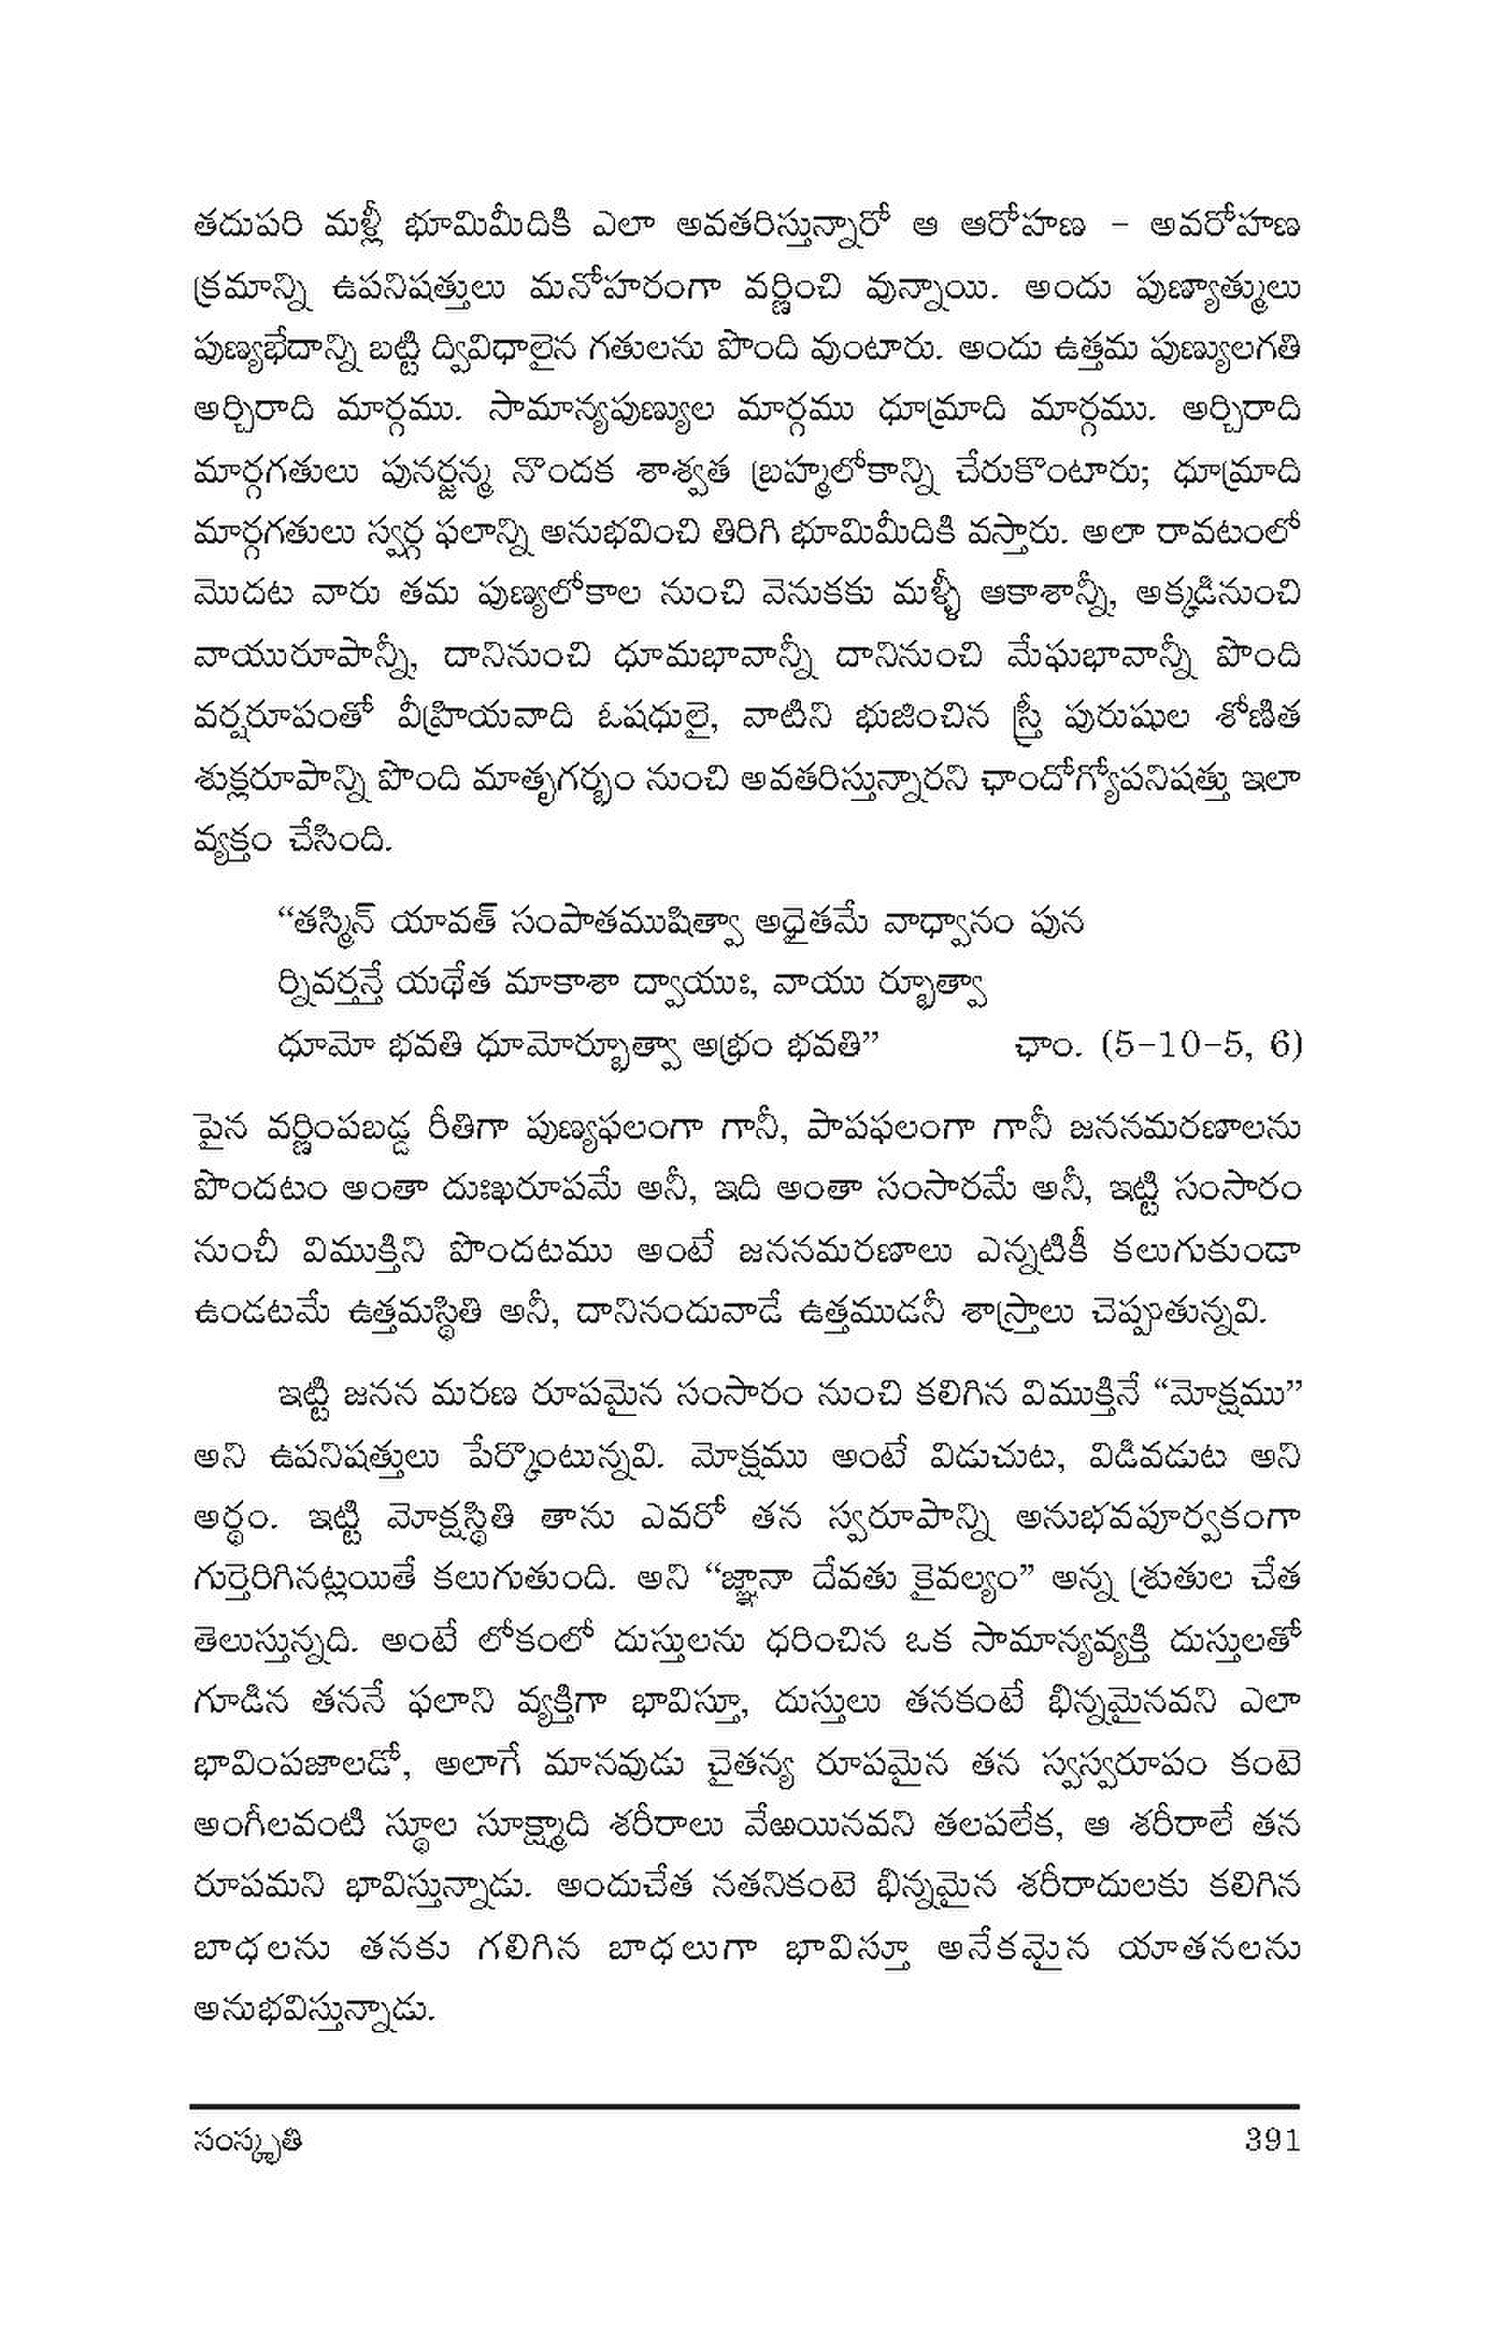తదుపరి మళ్లీ భూమిమీదికి ఎలా అవతరిస్తున్నారో ఆ ఆరోహణ అవరోహణ
క్రమాన్ని ఉపనిషత్తులు మనోహరంగా వర్ణించి వున్నాయి. అందు పుణ్యాత్ములు
పుణ్యభేదాన్ని బట్టి ద్వివిధాలైన గతులను పొంది వుంటారు. అందు ఉత్తమ పుణ్యులగతి
అర్చిరాది మార్గము. సామాన్యపుణ్యుల మార్గము ధూమ్రాది మార్గము. అర్చిరాది
మార్గగతులు పునర్జన్మ నొందక శాశ్వత బ్రహ్మలోకాన్ని చేరుకొంటారు; ధూమ్రాది
మార్గగతులు స్వర్గ ఫలాన్ని అనుభవించి తిరిగి భూమిమీదికి వస్తారు. అలా రావటంలో
మొదట వారు తమ పుణ్యలోకాల నుంచి వెనుకకు మళ్ళీ ఆకాశాన్నీ, అక్కడినుంచి
వాయురూపాన్నీ, దానినుంచి ధూమభావాన్నీ దానినుంచి మేఘభావాన్నీ పొంది
వర్షరూపంతో వీప్రియవాది ఓషధులై, వాటిని భుజించిన స్త్రీ పురుషుల శోణిత
శుక్లరూపాన్ని పొంది మాతృగర్భం నుంచి అవతరిస్తున్నారని ఛాందోగ్యోపనిషత్తు ఇలా
వ్యక్తం చేసింది.

“తస్మిన్ యావత్ సంపాతముషిత్వా అధైతమే వాధ్వానం పున
ర్నివర్తనే యథేత మాకాశా ద్వాయుః వాయు ర్భూత్వా
ధూమో భవతి ధూమోర్భూత్వా అభ్రం భవతి"

పైన వర్ణింపబడ్డ రీతిగా పుణ్యఫలంగా గానీ, పాపఫలంగా గానీ జననమరణాలను
పొందటం అంతా దుఃఖరూపమే అనీ, ఇది అంతా సంసారమే అనీ, ఇట్టి సంసారం
నుంచీ విముక్తిని పొందటము అంటే జననమరణాలు ఎన్నటికీ కలుగుకుండా
ఉండటమే ఉత్తమస్థితి అనీ, దానినందువాడే ఉత్తముడనీ శాస్త్రాలు చెప్పుతున్నవి.

ఇట్టి జనన మరణ రూపమైన సంసారం నుంచి కలిగిన విముక్తినే “మోక్షము”
అని ఉపనిషత్తులు పేర్కొంటున్నవి. మోక్షము అంటే విడుచుట, విడివడుట అని
అర్థం. ఇట్టి మోక్షస్థితి తాను ఎవరో తన స్వరూపాన్ని అనుభవపూర్వకంగా
గుర్తెరిగినట్లయితే కలుగుతుంది. అని "జ్ఞానా దేవతు కైవల్యం" అన్న శ్రుతుల చేత
తెలుస్తున్నది. అంటే లోకంలో దుస్తులను ధరించిన ఒక సామాన్యవ్యక్తి దుస్తులతో
గూడిన తననే ఫలాని వ్యక్తిగా భావిస్తూ, దుస్తులు తనకంటే భిన్నమైనవని ఎలా
భావింపజాలడో, అలాగే మానవుడు చైతన్య రూపమైన తన స్వస్వరూపం కంటె
అంగీలవంటి స్థూల సూక్ష్మాది శరీరాలు వేఱయినవని తలపలేక, ఆ శరీరాలే తన
రూపమని భావిస్తున్నాడు. అందుచేత నతనికంటె భిన్నమైన శరీరాదులకు కలిగిన
బాధలను తనకు గలిగిన బాధలుగా భావిస్తూ అనేకమైన యాతనలను
అనుభవిస్తున్నాడు.